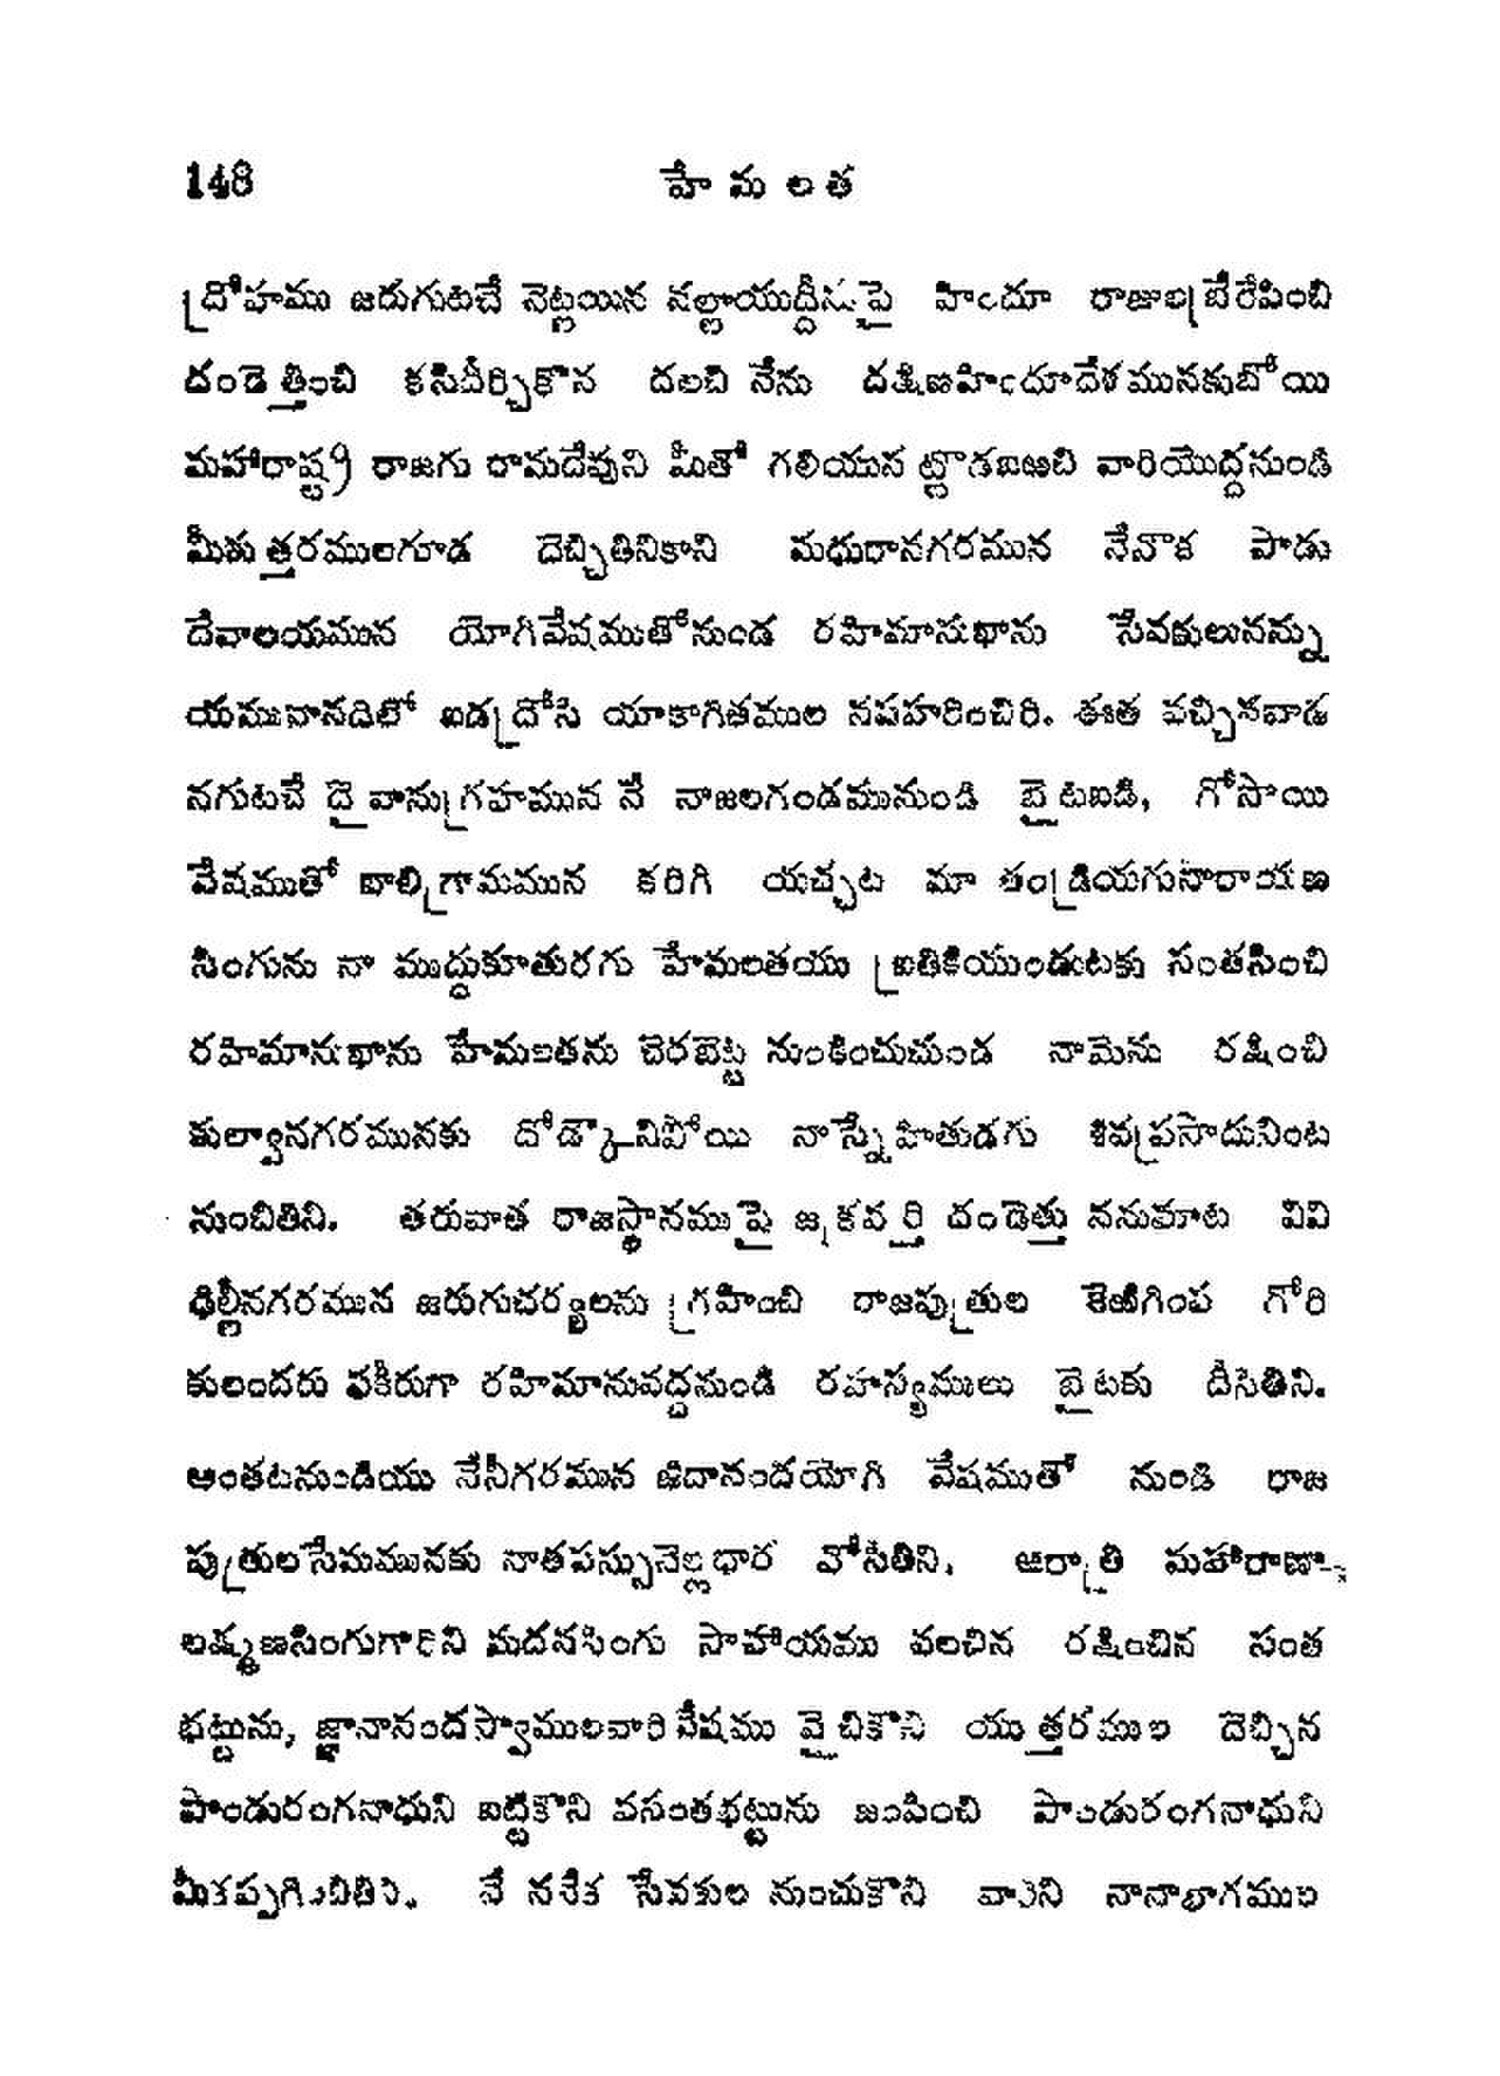ద్రోహము జరుగుటచే నెట్లయిన నల్లాయుద్దీనుపై హిందూ రాజుల బ్రేరేపించి దండెత్తించి కసిదీర్చికొన దలచి నేను దక్షిణహిందూదేశమునకుబోయి మహారాష్ట్ర రాజగు రామదేవుని మీతో గలియున ట్లొడబఱచి వారియొద్దనుండి మీకుత్తరములగూడ దెచ్చితినికాని మధురానగరమున నేనొక పాడు దేవాలయమున యోగివేషముతోనుండ రహిమానుఖాను సేవకులునన్ను యమునానదిలో బడద్రోసి యాకాగితముల నపహరించిరి. ఈత వచ్చినవాడ నగుటచే దైవానుగ్రహమున నే నాజలగండమునుండి బైటబడి, గోసాయి వేషముతో బాలిగ్రామమున కరిగి యచ్చట మా తండ్రియగునారాయణ సింగును నా ముద్దుకూతురగు హేమలతయు బ్రతికియుండుటకు సంతసించి రహిమాను ఖాను హేమలతను చెరబెట్ట నుంకించుచుండ నామెను రక్షించి కుల్వానగరమునకు దోడ్కొనిపోయి నా స్నేహితుడగు శివప్రసాదునింట నుంచితిని. తరువాత రాజస్థానముపై జక్రవర్తి దండెత్తు ననుమాట విని ఢిల్లీనగరమున జరుగుచర్యలను గ్రహించి రాజపుత్రుల కెఱిగింప గోరి కులందరు ఫకీరుగా రహిమానువద్దనుండి రహస్యములు బైటకు దీసితిని. అంతటనుండియు నేనీగరమున జిదానందయోగి వేషముతో నుండి రాజపుత్రుల సేమమునకు నాతపస్సునెల్ల ధార వోసితిని. ఆరాత్రి మహారాణా లక్ష్మణసింగుగారిని మదనసింగు సాహాయము వలచిన రక్షించిన వసంత భట్టును, జ్ఞానానంద స్వాములవారి వేషము వైచికొని యుత్తరముల దెచ్చిన పాండురంగనాధుని బట్టికొని వసంత భట్టును జంపించి పాండురంగనాధుని మీకప్పగించితిని. నే ననేక సేవకుల నుంచుకొని వారిని నానాభాగముల